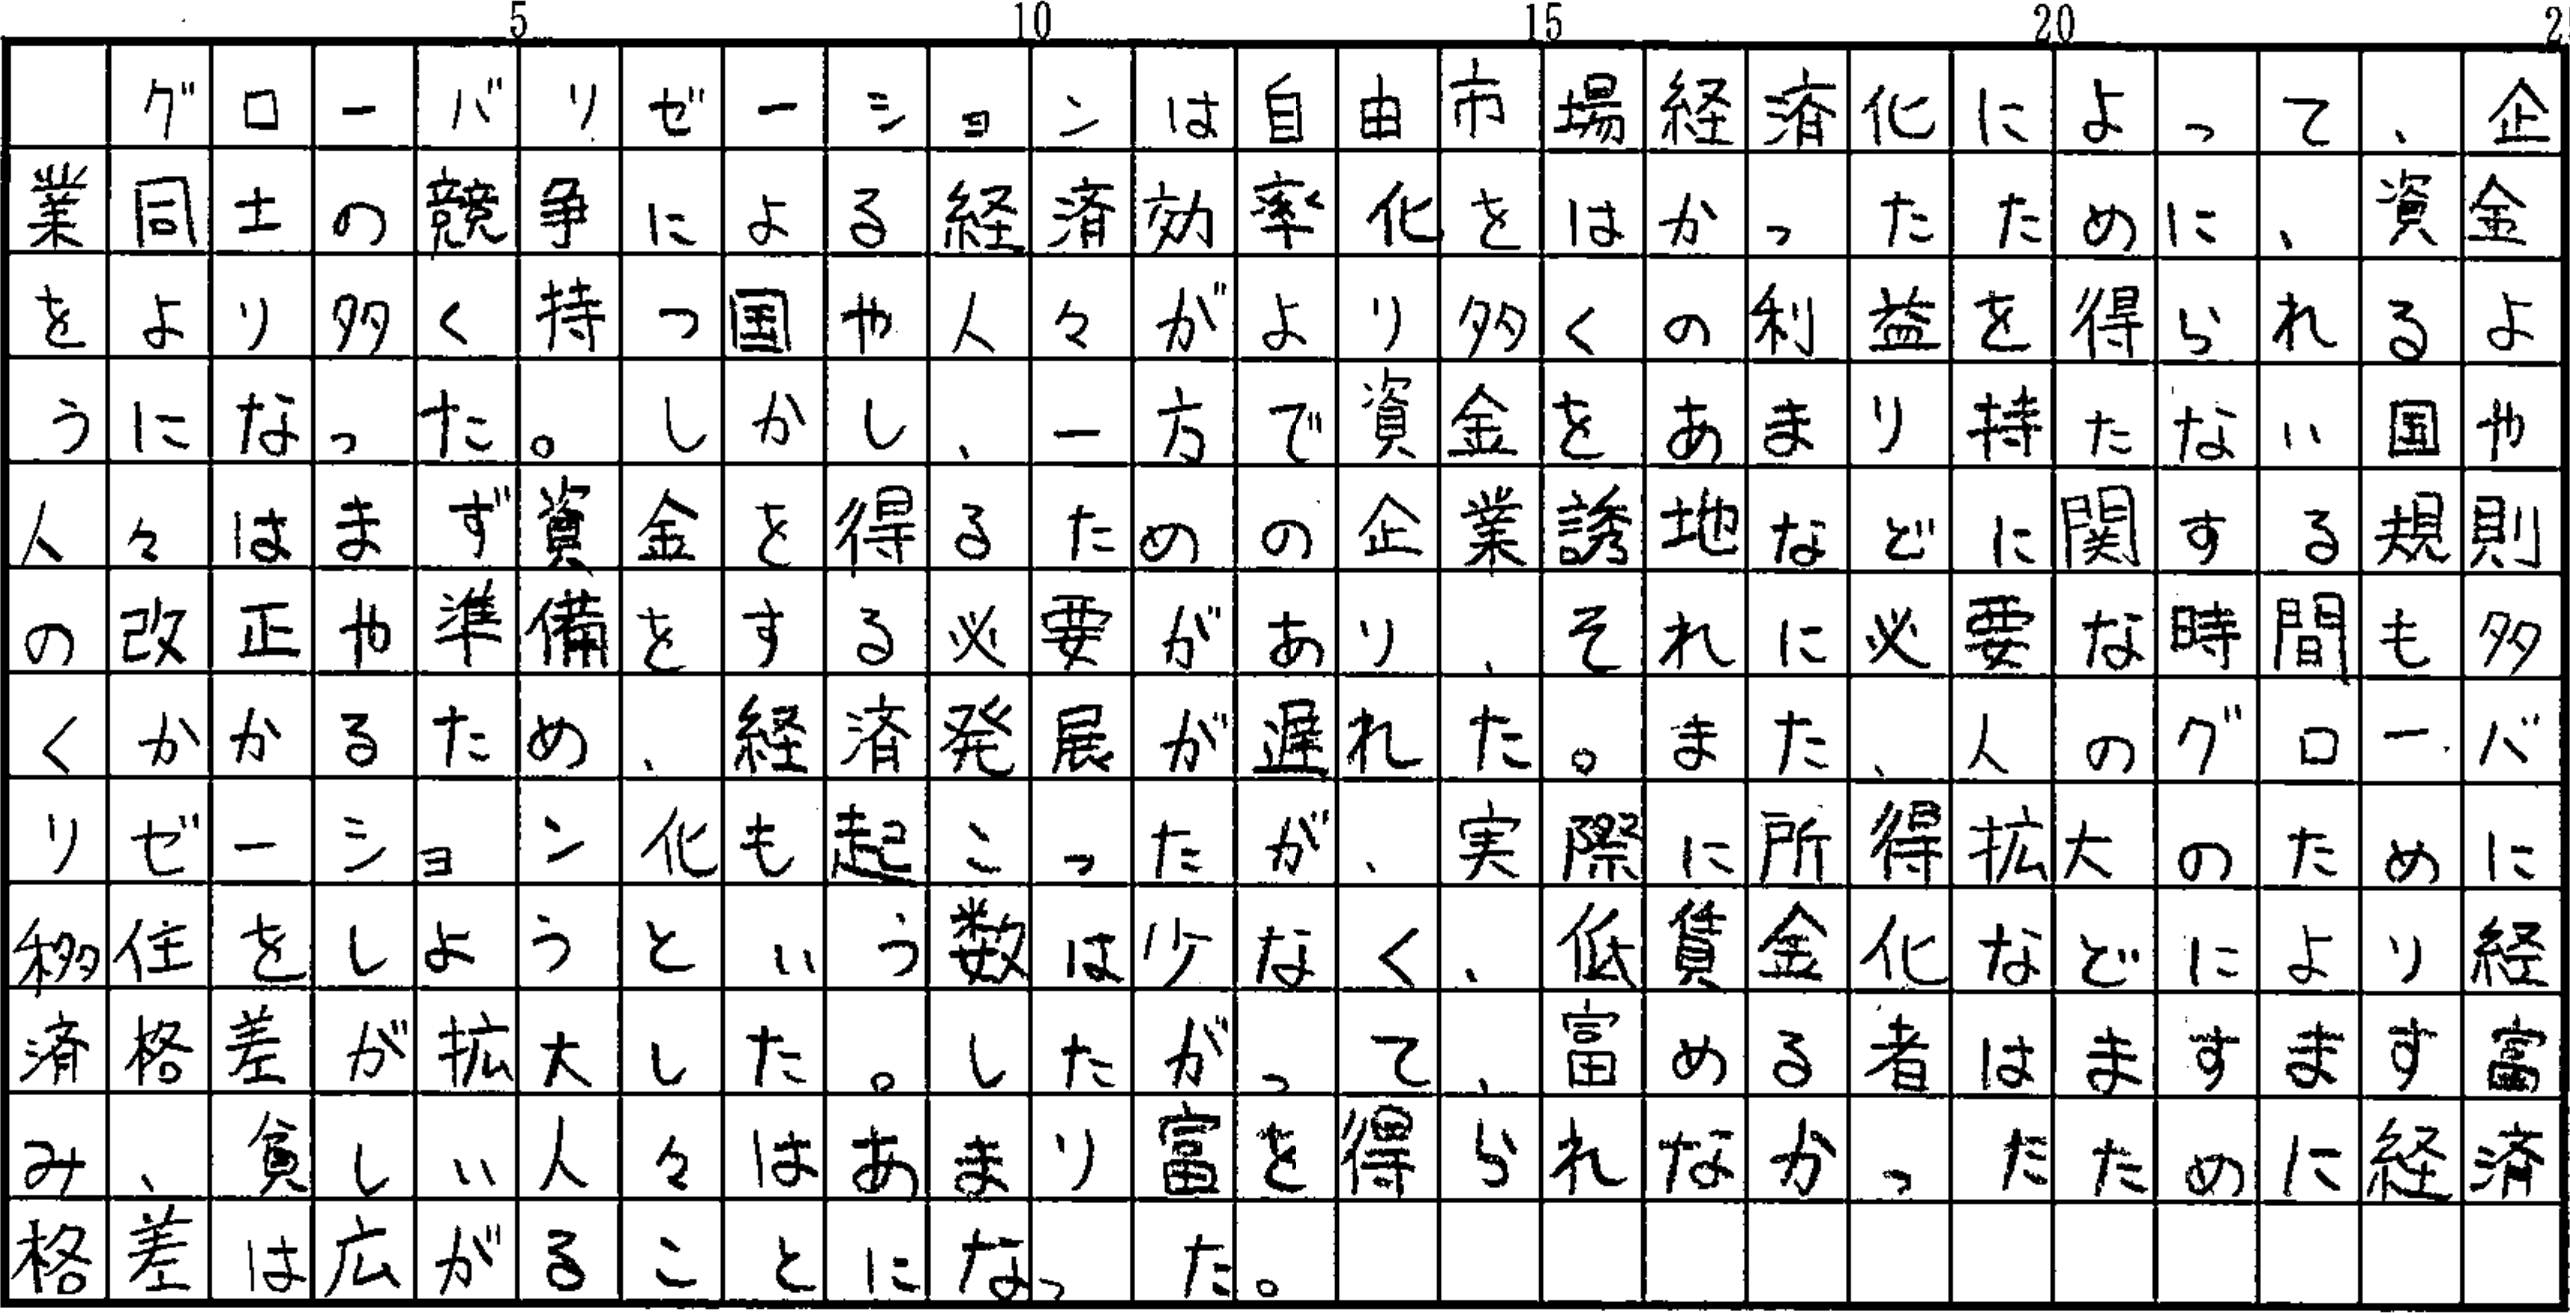　グローバリゼーションは自由市場経済化によって、企業同士の競争による経済効率化をはかったために、資金をより多く持つ国や人々がより多くの利益を得られるようになった。しかし、一方で資金をあまり持たない国や人々はまず資金を得るための企業誘致などに関する規則の改正や準備をする必要があり、それに必要な時間も多くかかるため、経済発展が遅れた。また、人のグローバリゼーション化も起こったが、実際に所得拡大のために移住をしようという数は少なく、低賃金化などにより経済格差が拡大した。したがって、富める者はますます富み、貧しい人々はあまり富を得られなかったために経済格差は広がることになった。
